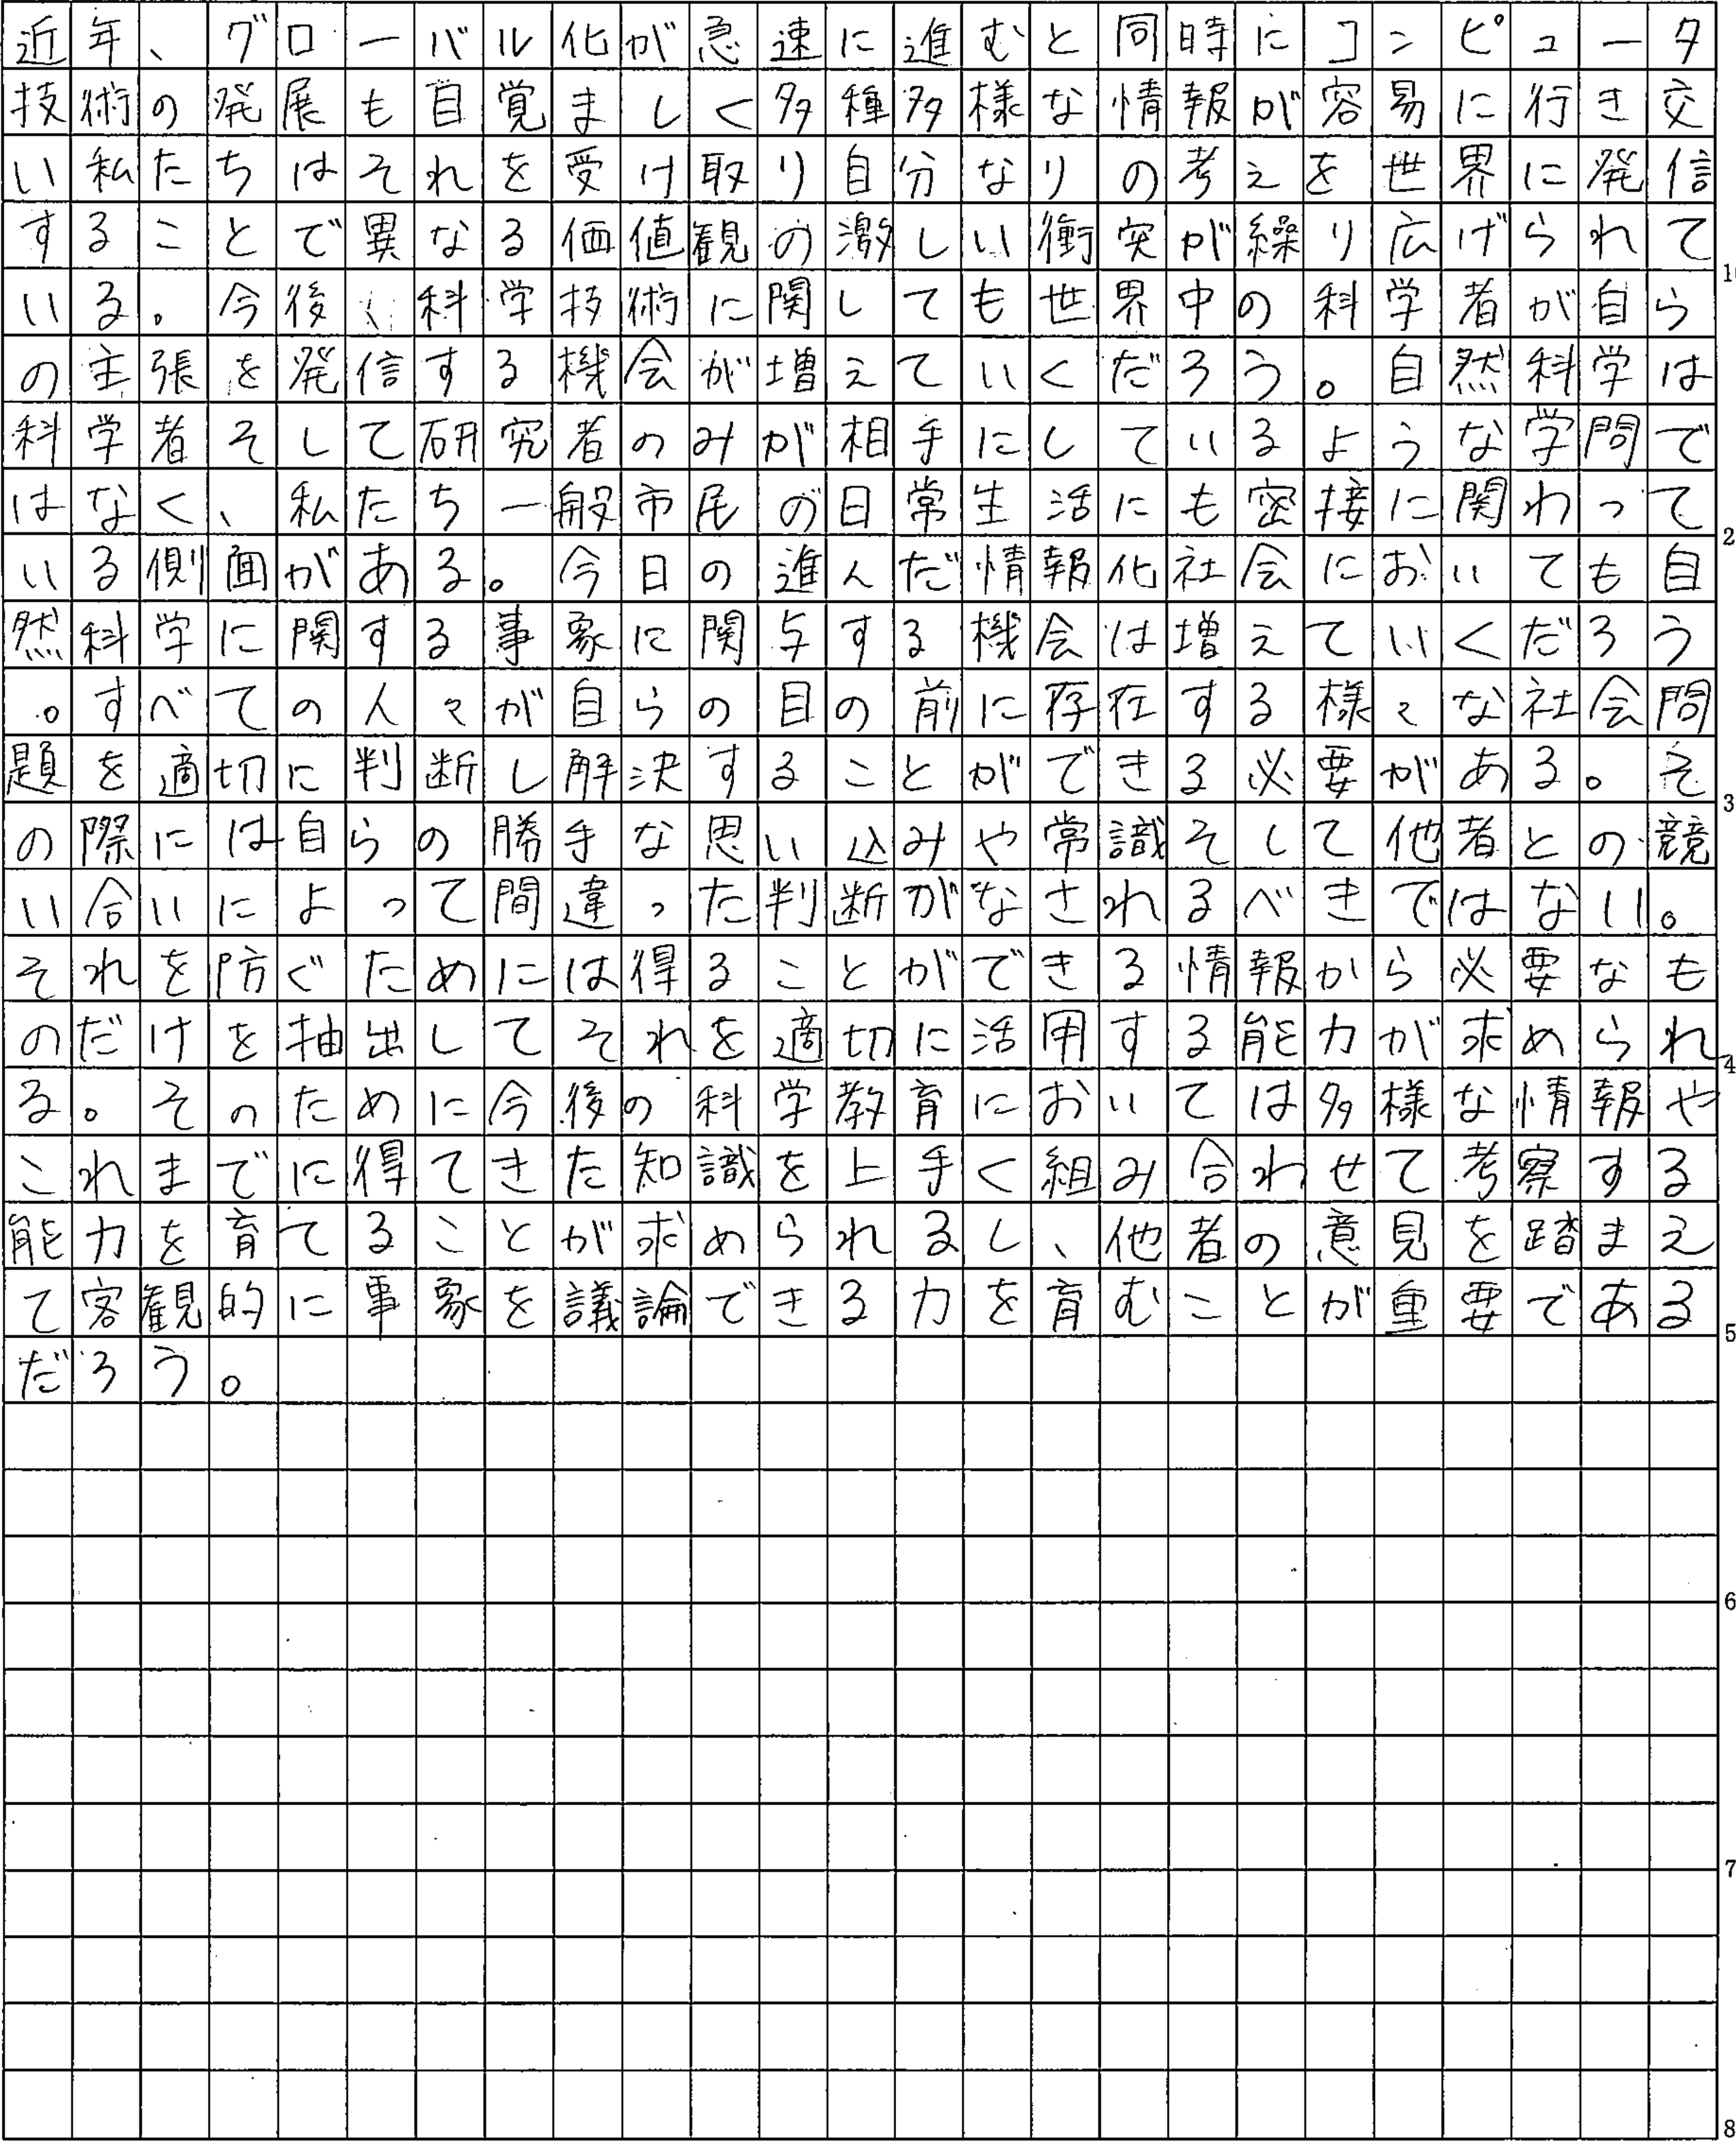近年、グローバル化が急速に進むと同時にコンピュータ技術の発展も目覚ましく多種多様な情報が容易に行き交い私たちはそれを受け取り自分なりの考えを世界に発信することで異なる価値観の激しい衝突が繰り広げられている。今後、科学技術に関しても世界中の科学者が自らの主張を発信する機会が増えていくだろう。自然科学は科学者そして研究者のみが相手にしているような学問ではなく、私たち一般市民の日常生活にも密接に関わっている側面がある。今日の進んだ情報化社会においても自然科学に関する事象に関与する機会は増えていくだろう。すべての人々が自らの目の前に存在する様々な社会問題を適切に判断し解決することができる必要がある。その際には自らの勝手な思い込みや常識そして他者との競い合いによって間違った判断がなされるべきではない。それを防ぐためには得ることができる情報から必要なものだけを抽出してそれを適切に活用する能力が求められる。そのために今後の科学教育においては多様な情報やこれまでに得てきた知識を上手く組み合わせて考察する能力を育てることが求められるし、他者の意見を踏まえて客観的に事象を議論できる力を育むことが重要であるだろう。
